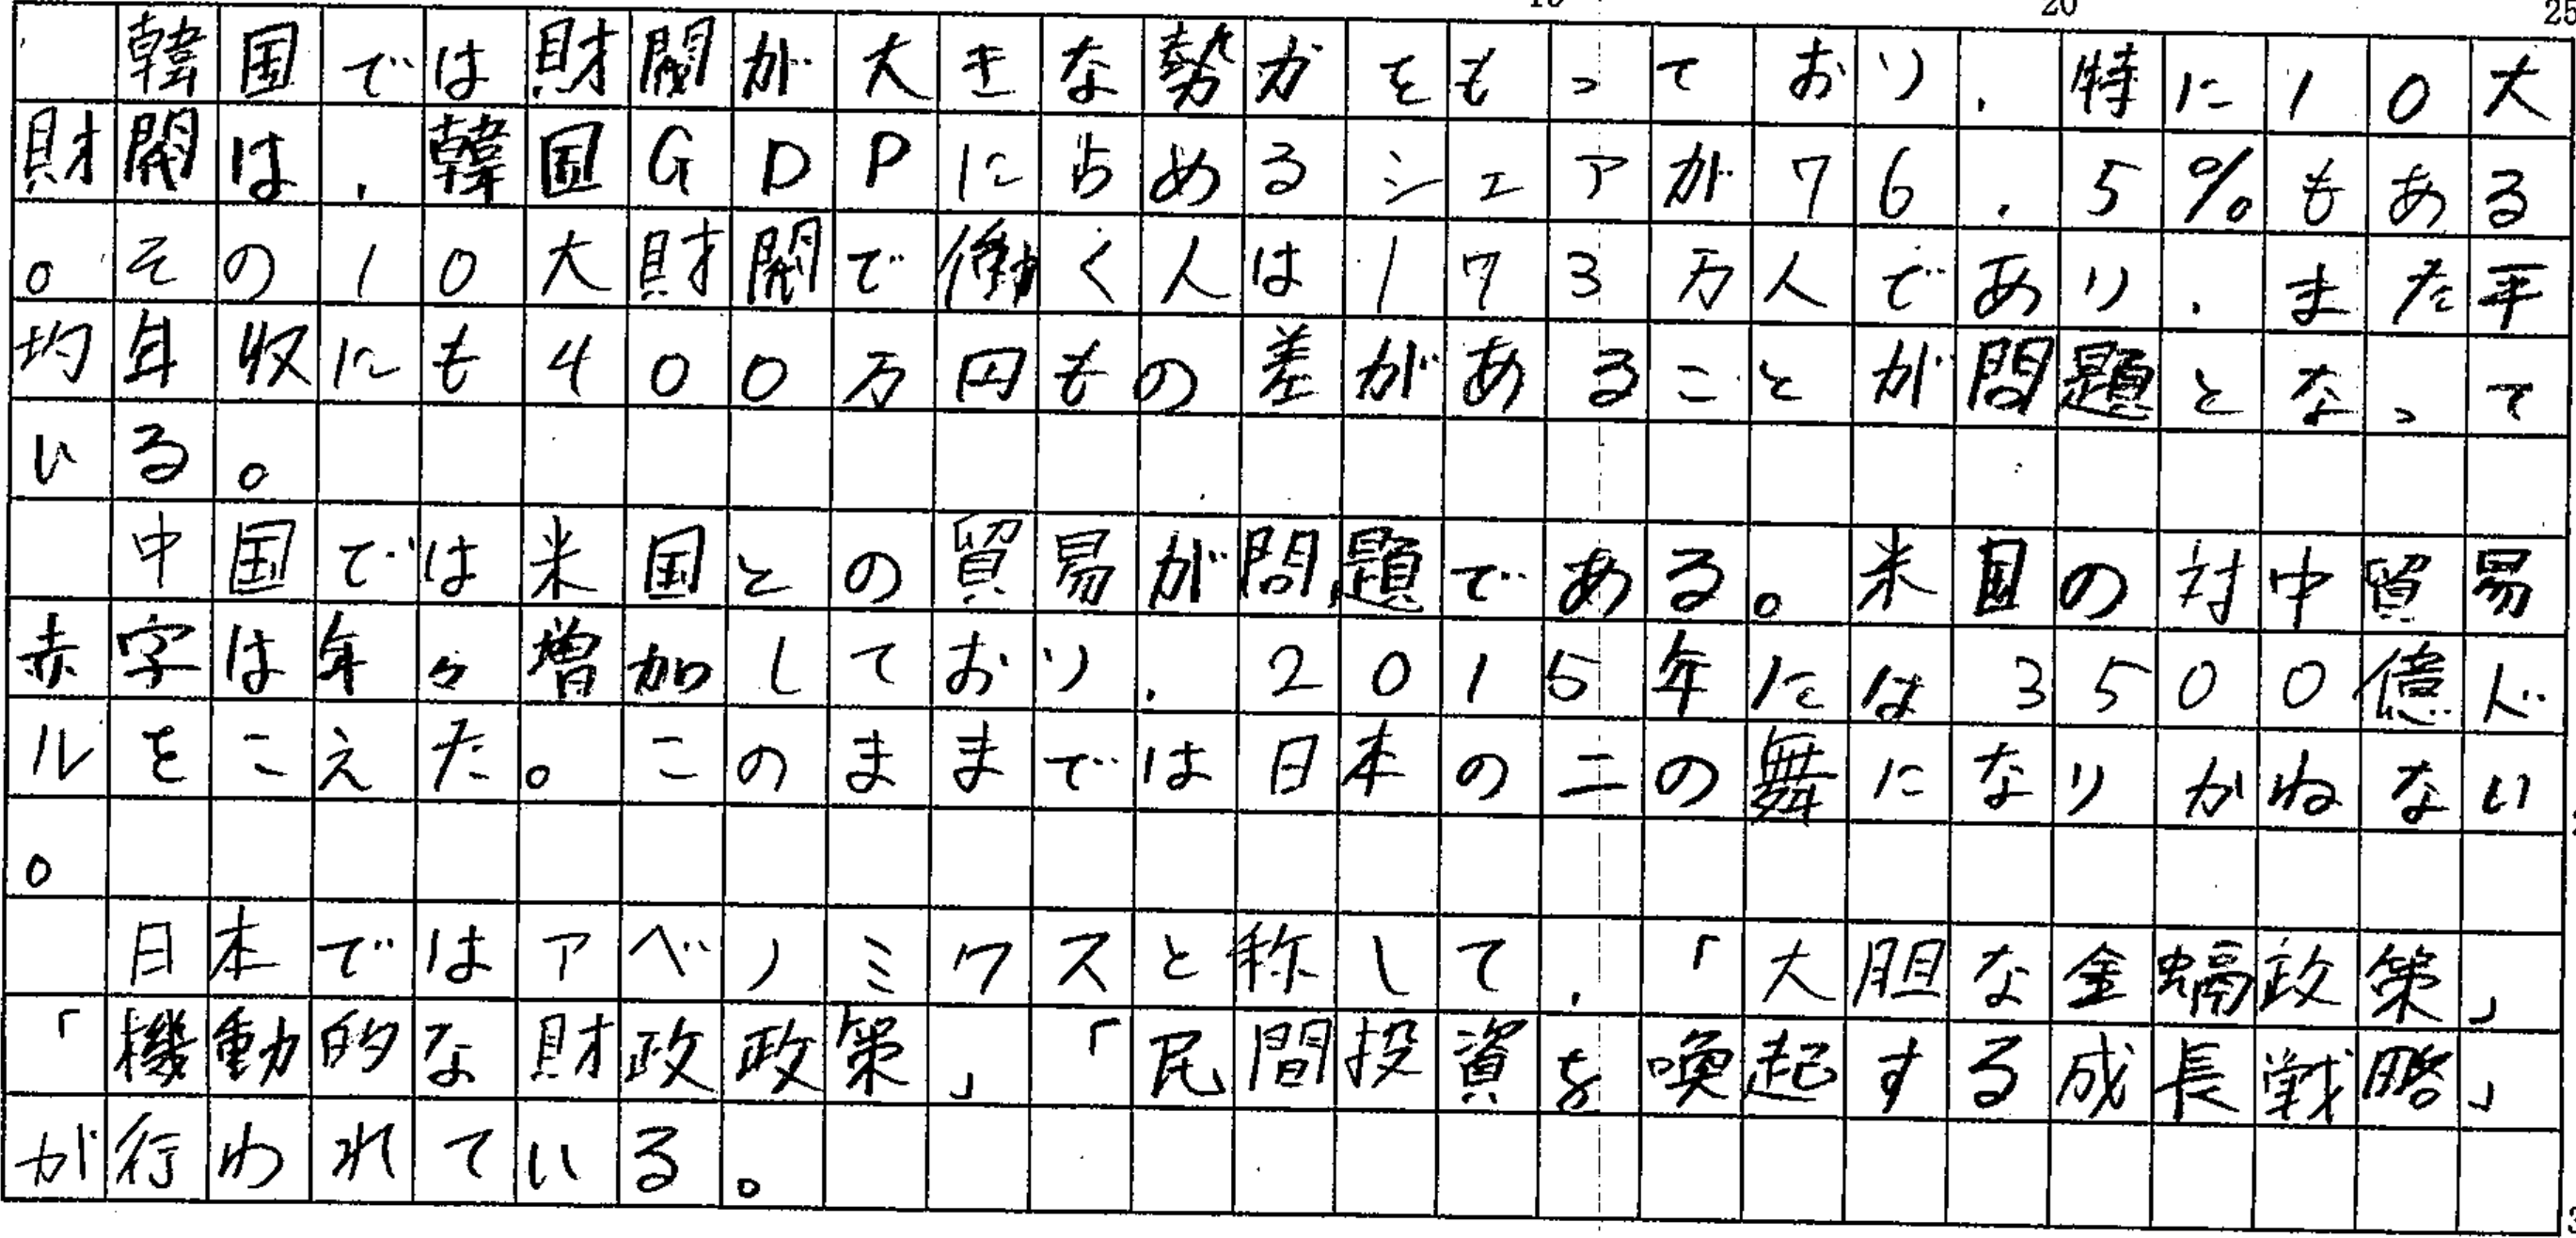　韓国では財閥が大きな勢力をもっており、特に１０大財閥は、韓国ＧＤＰに占めるシェアが７６．５％もある。その１０大財閥で働く人は１７３万人であり、また平均年収にも４００万円もの差があることが問題となっている。
　中国では米国との貿易が問題である。米国の対中貿易赤字は年々増加しており、２０１５年には３５００億ドルをこえた。このままでは日本の二の舞になりかねない。
　日本ではアベノミクスと称して、「大胆な金▁政策」「機動的な財政政策」「民間投資を喚起する成長戦略」が行われている。
